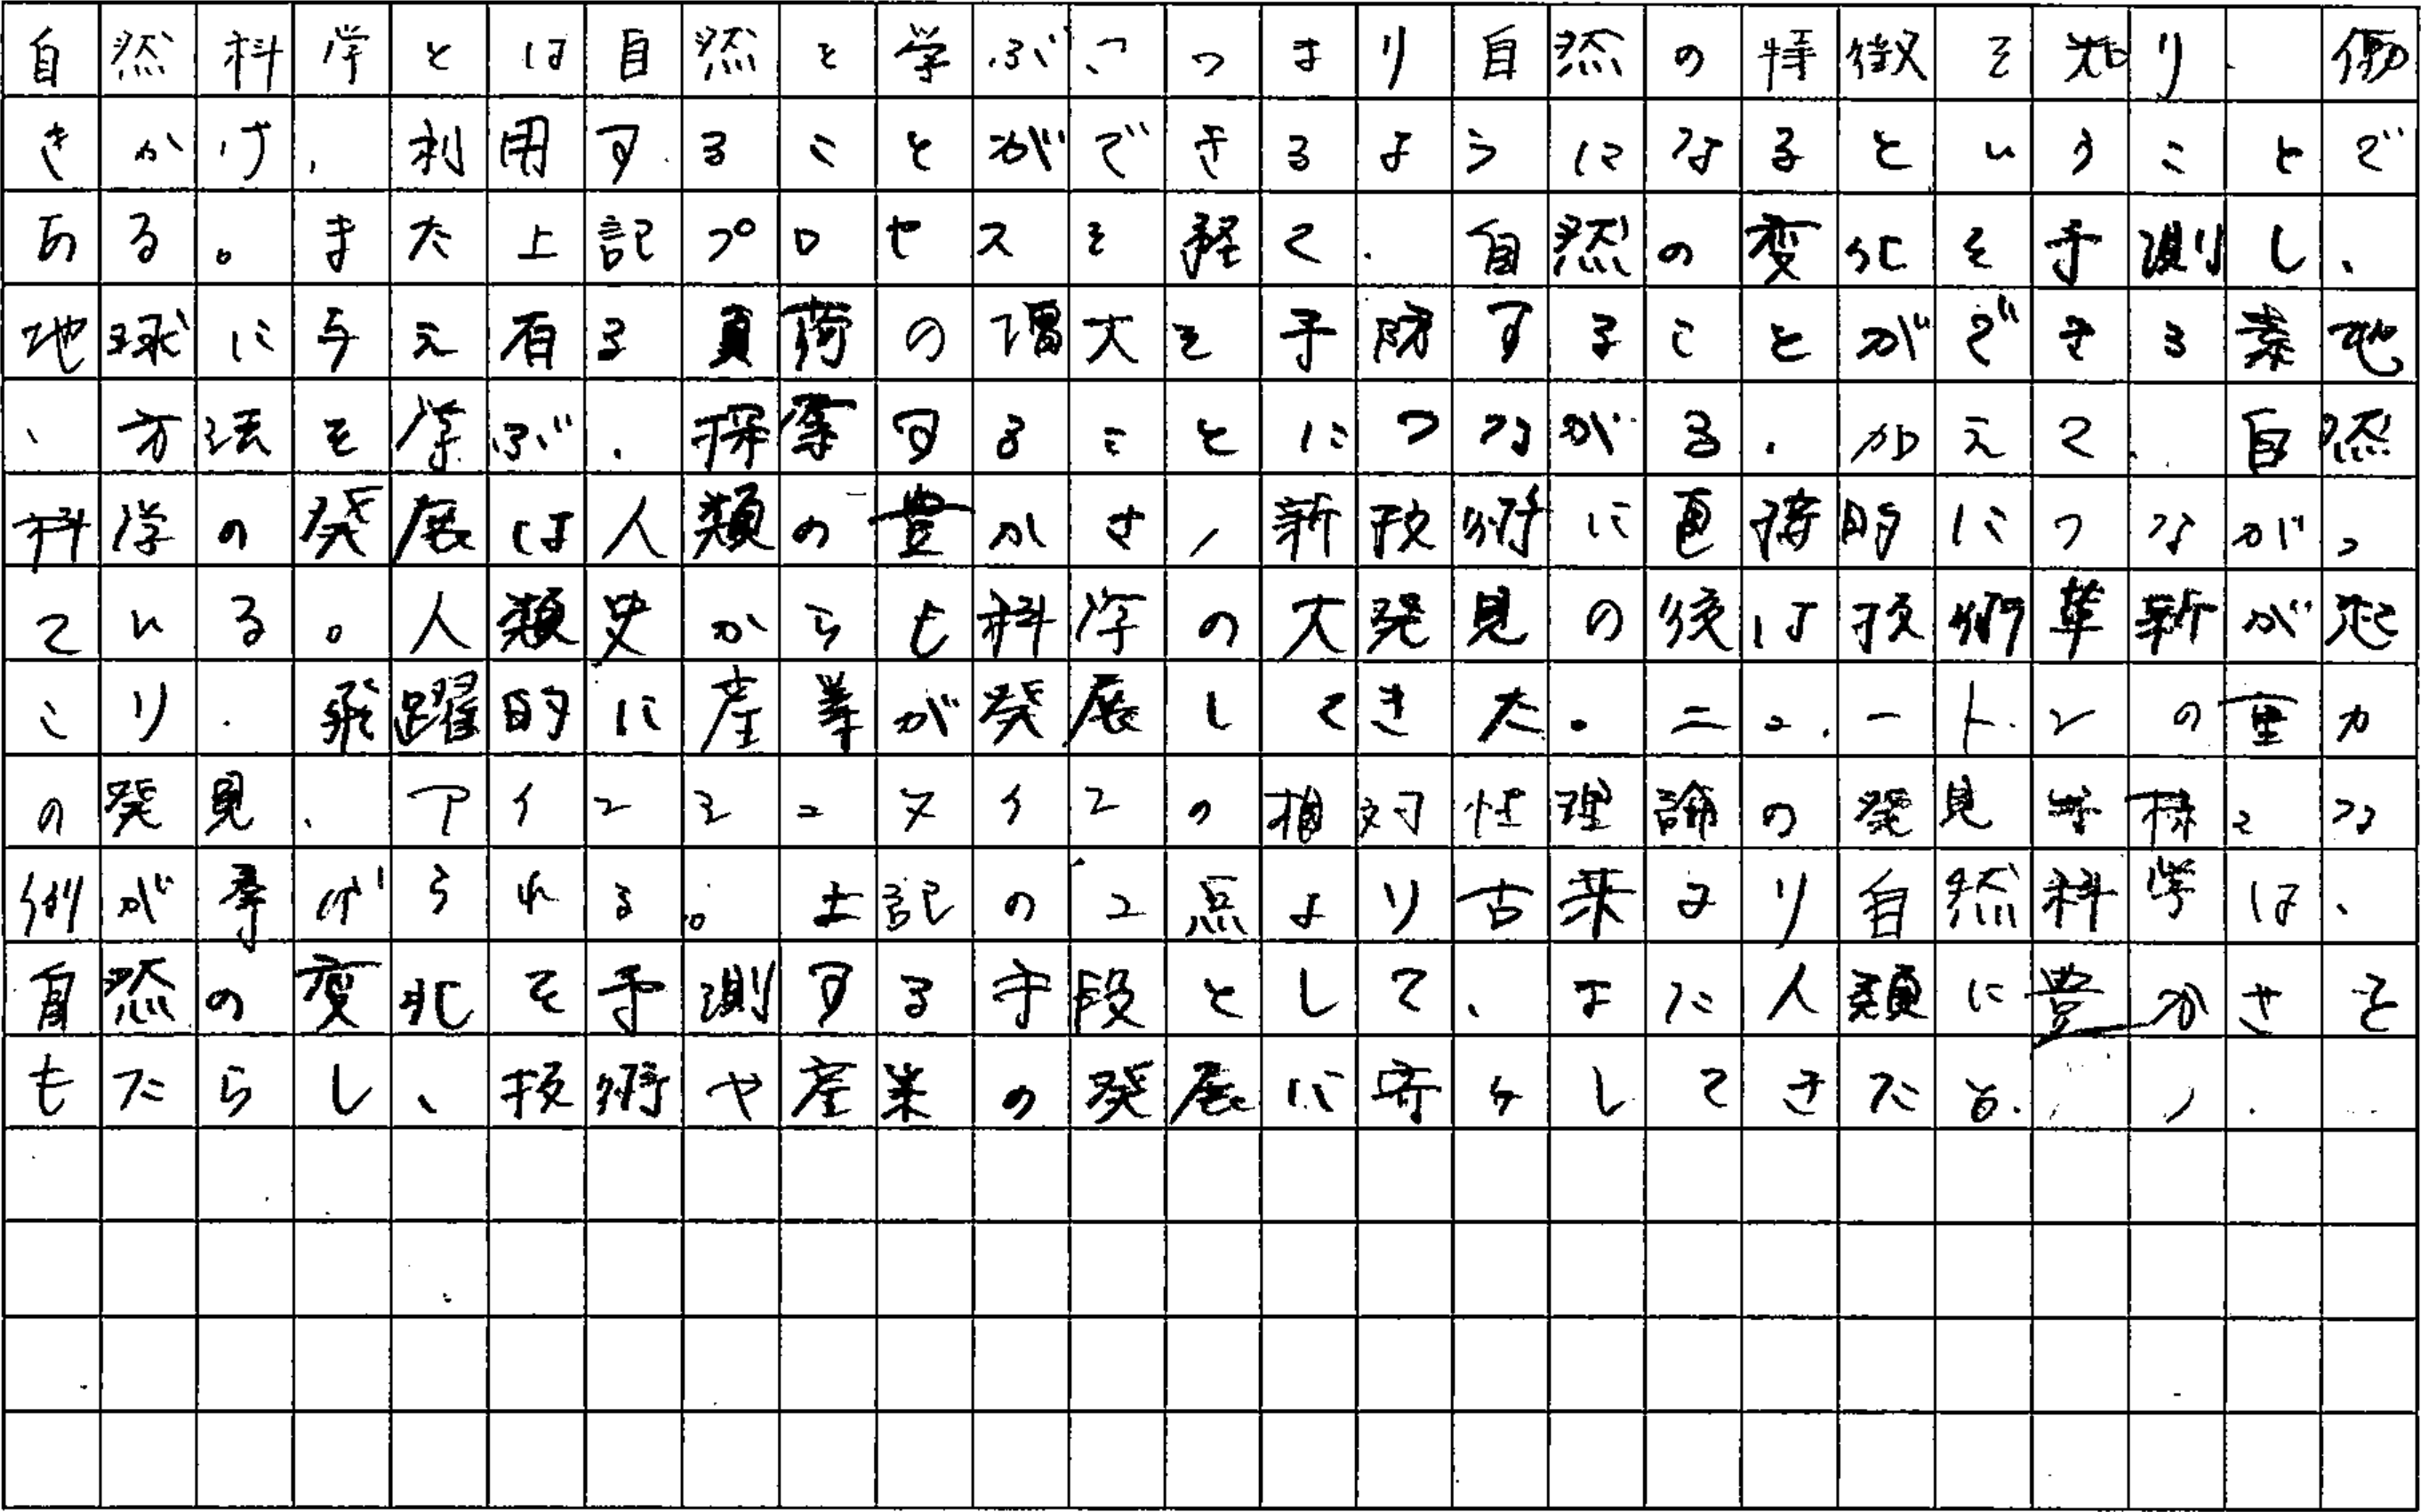自然科学とは自然を学ぶ、つまり自然の特徴を知り、働きかけ、利用することができるようになるということである。また上記プロセスを経て、自然の変化を予測し、地球に与え有る負荷の増大を予防することができる素地、方法を学ぶ、探索することにつながる。加えて、自然科学の発展は人類の豊かさ、新技術に直接的につながっている。人類史からも科学の大発見の後は技術革新が起こり、飛躍的に産業が発展してきた。ニュートンの重力の発見、アインシュタインの相対性理論の発見等様々な例が挙げられる。上記の２点より古来より自然科学は、自然の変化を予測する手段として、また人類に豊かさをもたらし、技術や産業の発展に寄与してきた。
